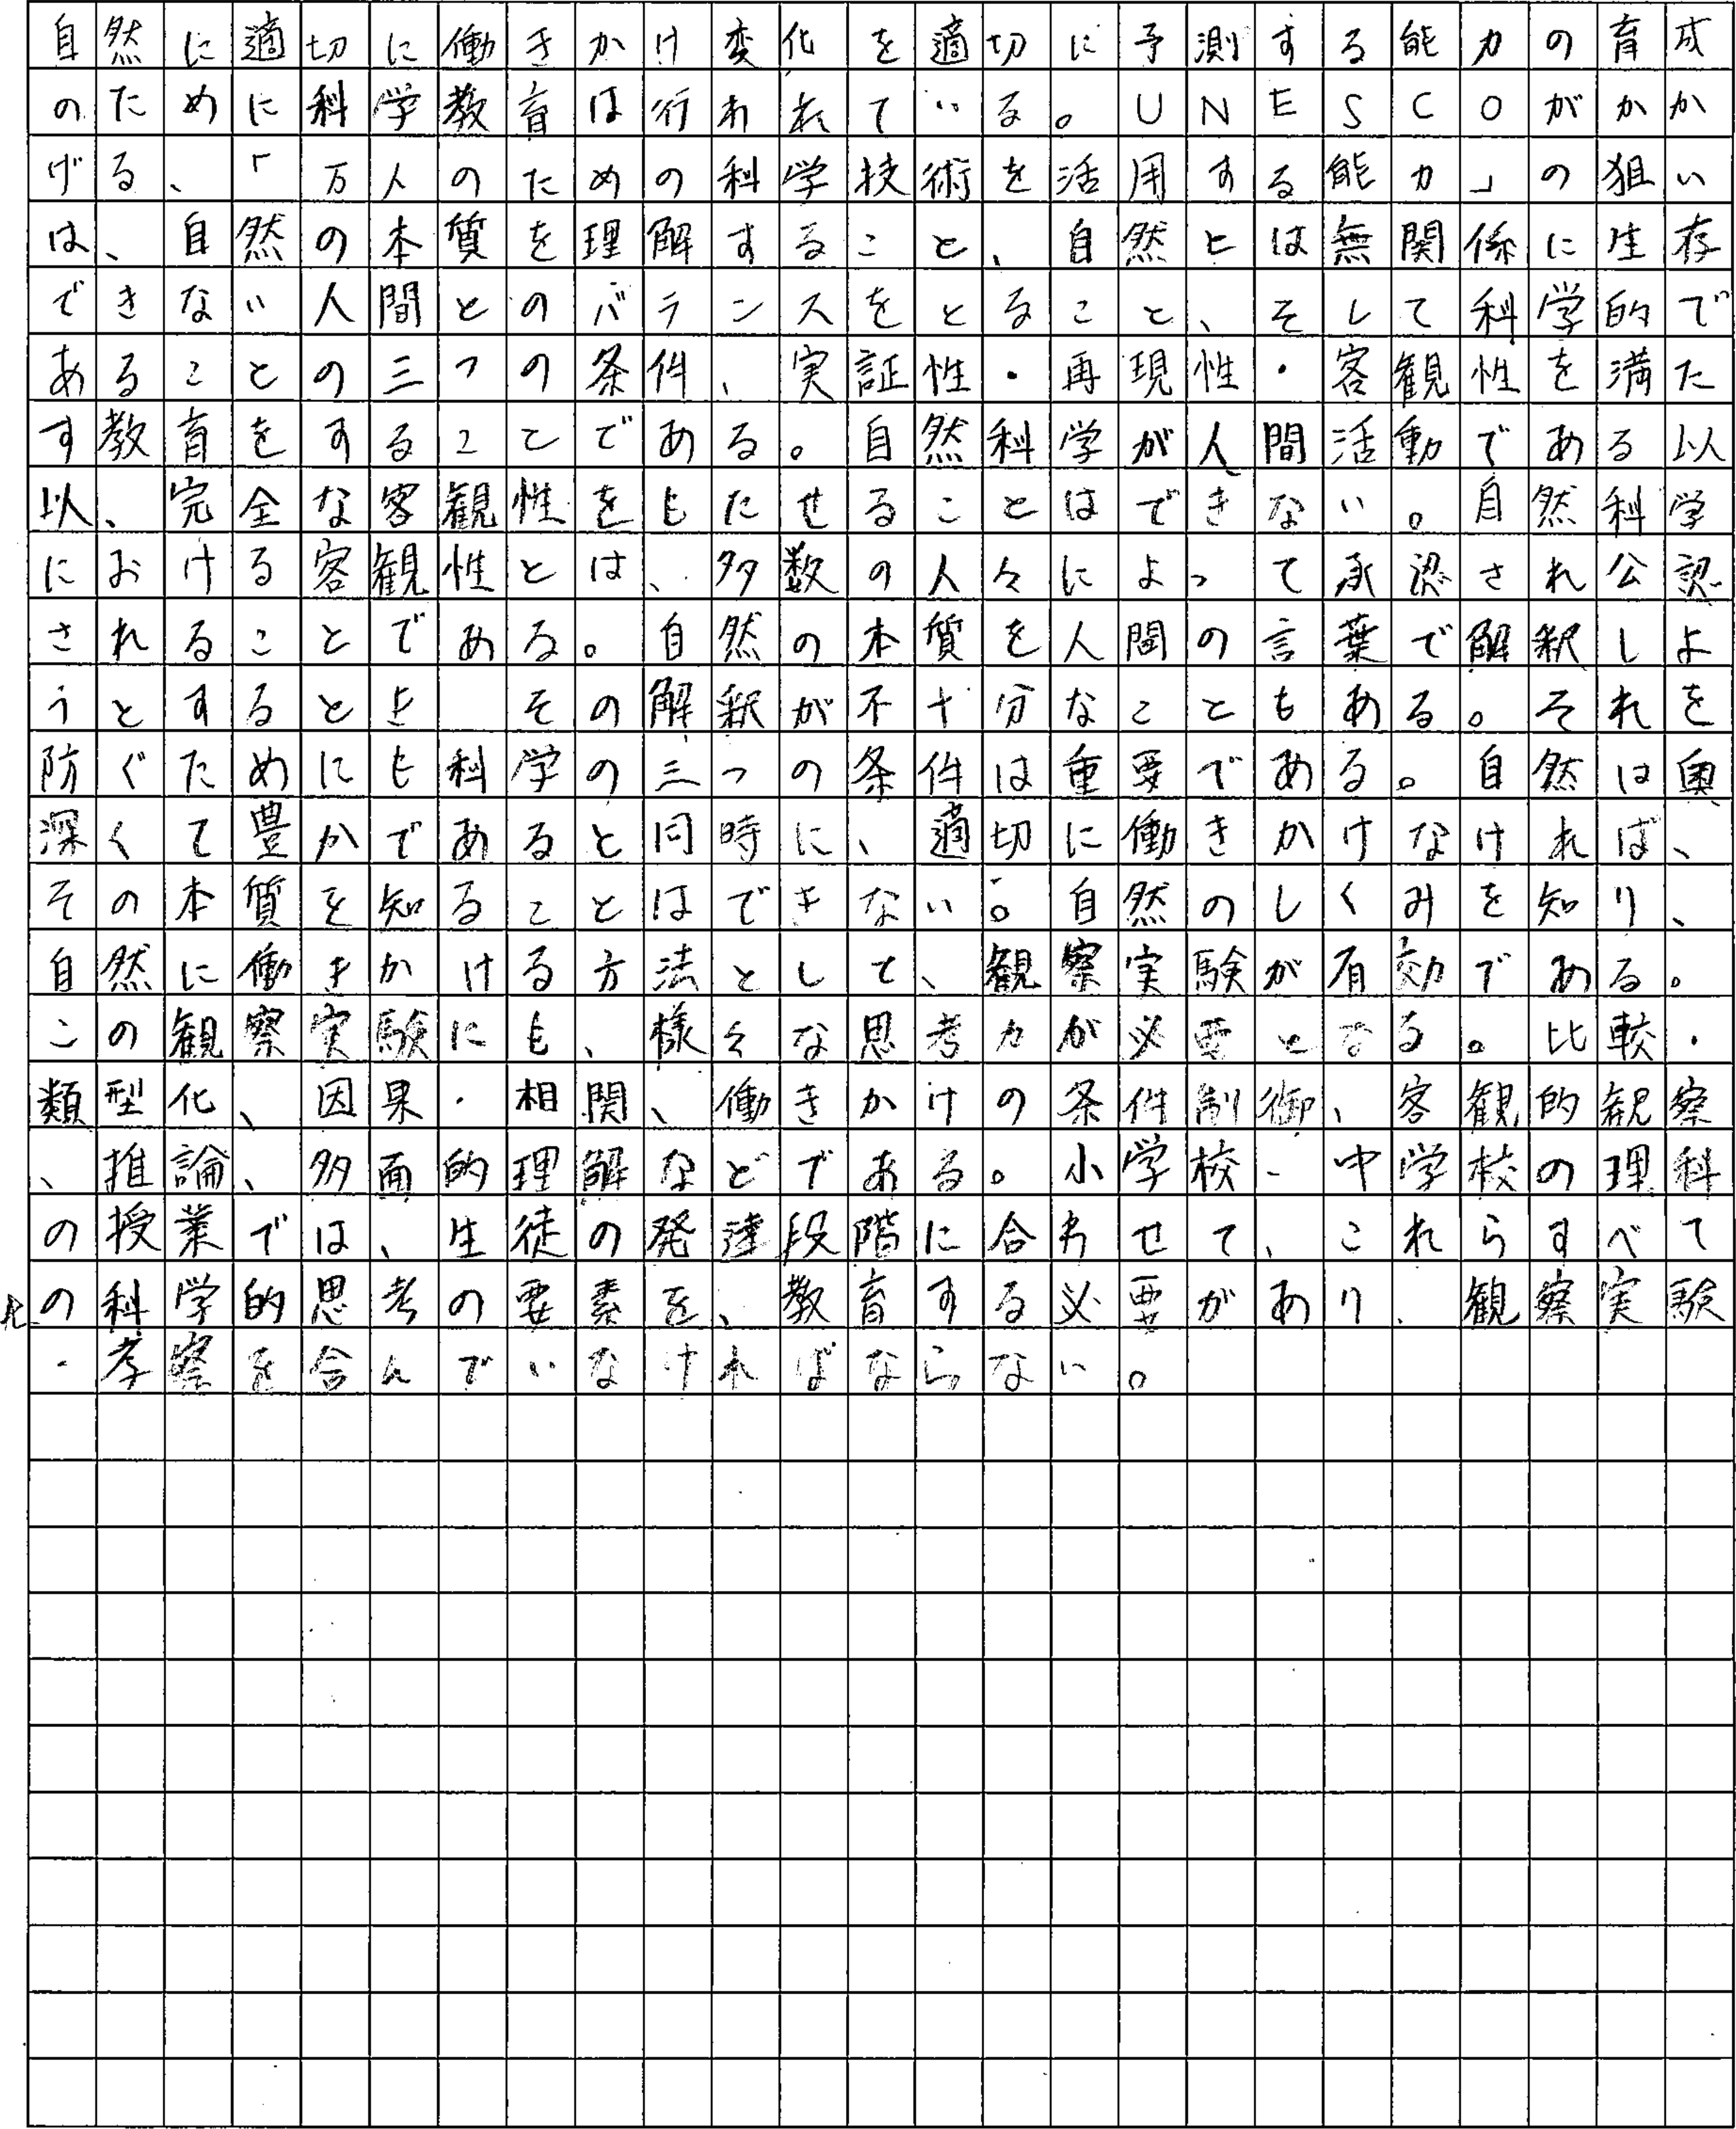自然に適切に働きかけ変化を適切に予測する能力の育成のために科学教育は行われている。ＵＮＥＳＣＯがかかげる、「万人のための科学技術を活用する能力」の狙いは、自然の本質を理解すること、自然とは無関係に生存できない人間とのバランスをとること、そして科学的であることの三つの条件、実証性・再現性・客観性を満たす教育をすることである。自然科学が人間活動である以以、完全な客観性をもたせることはできない。自然科学における客観性とは、多数の人々によって承認され公認されることである。自然の本質を人間の言葉で解釈しようとするとき　その解釈が不十分なこともある。それを防ぐためにも科学の三つの条件は重要である。自然は奥深くて豊かであると同時に、適切に働きかけなければ、その本質を知ることはできない。自然のしくみを知り、自然に働きかける方法として、観察実験が有効である。この観察実験にも、様々な思考力が必要となる。比較・類型化、因果・相関、働きかけの条件制御、客観的観察、推論、多面的理解などである。小学校・中学校の理科の授業では、生徒の発達段階に合わせて、これらすべての科学的思考の要素を、教育する必要があり、観察実験・▁察を含んでいなければならない。
